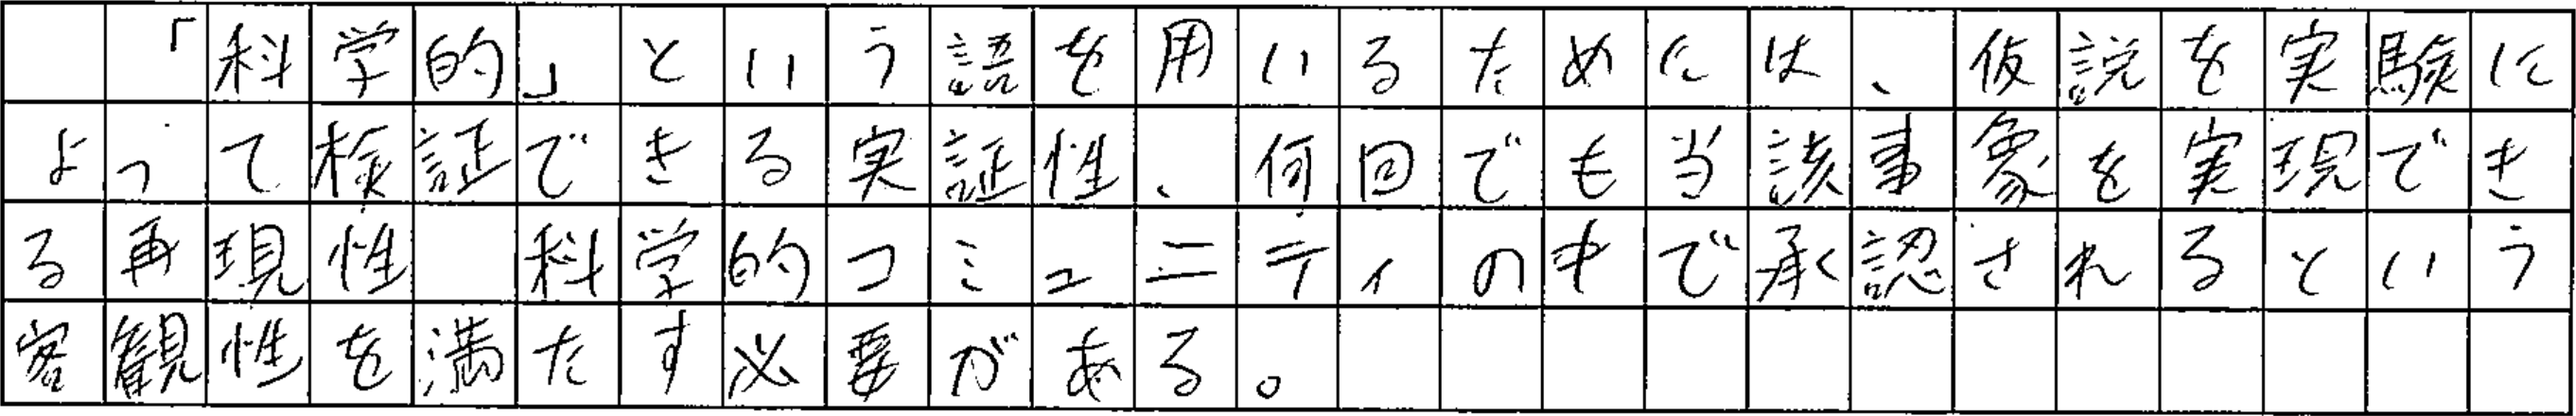　「科学的」という語を用いるためには、仮説を実験によって検証できる実証性、何回でも当該事象を実現できる再現性　科学的コミュニティの中で承認されるという客観性を満たす必要がある。
